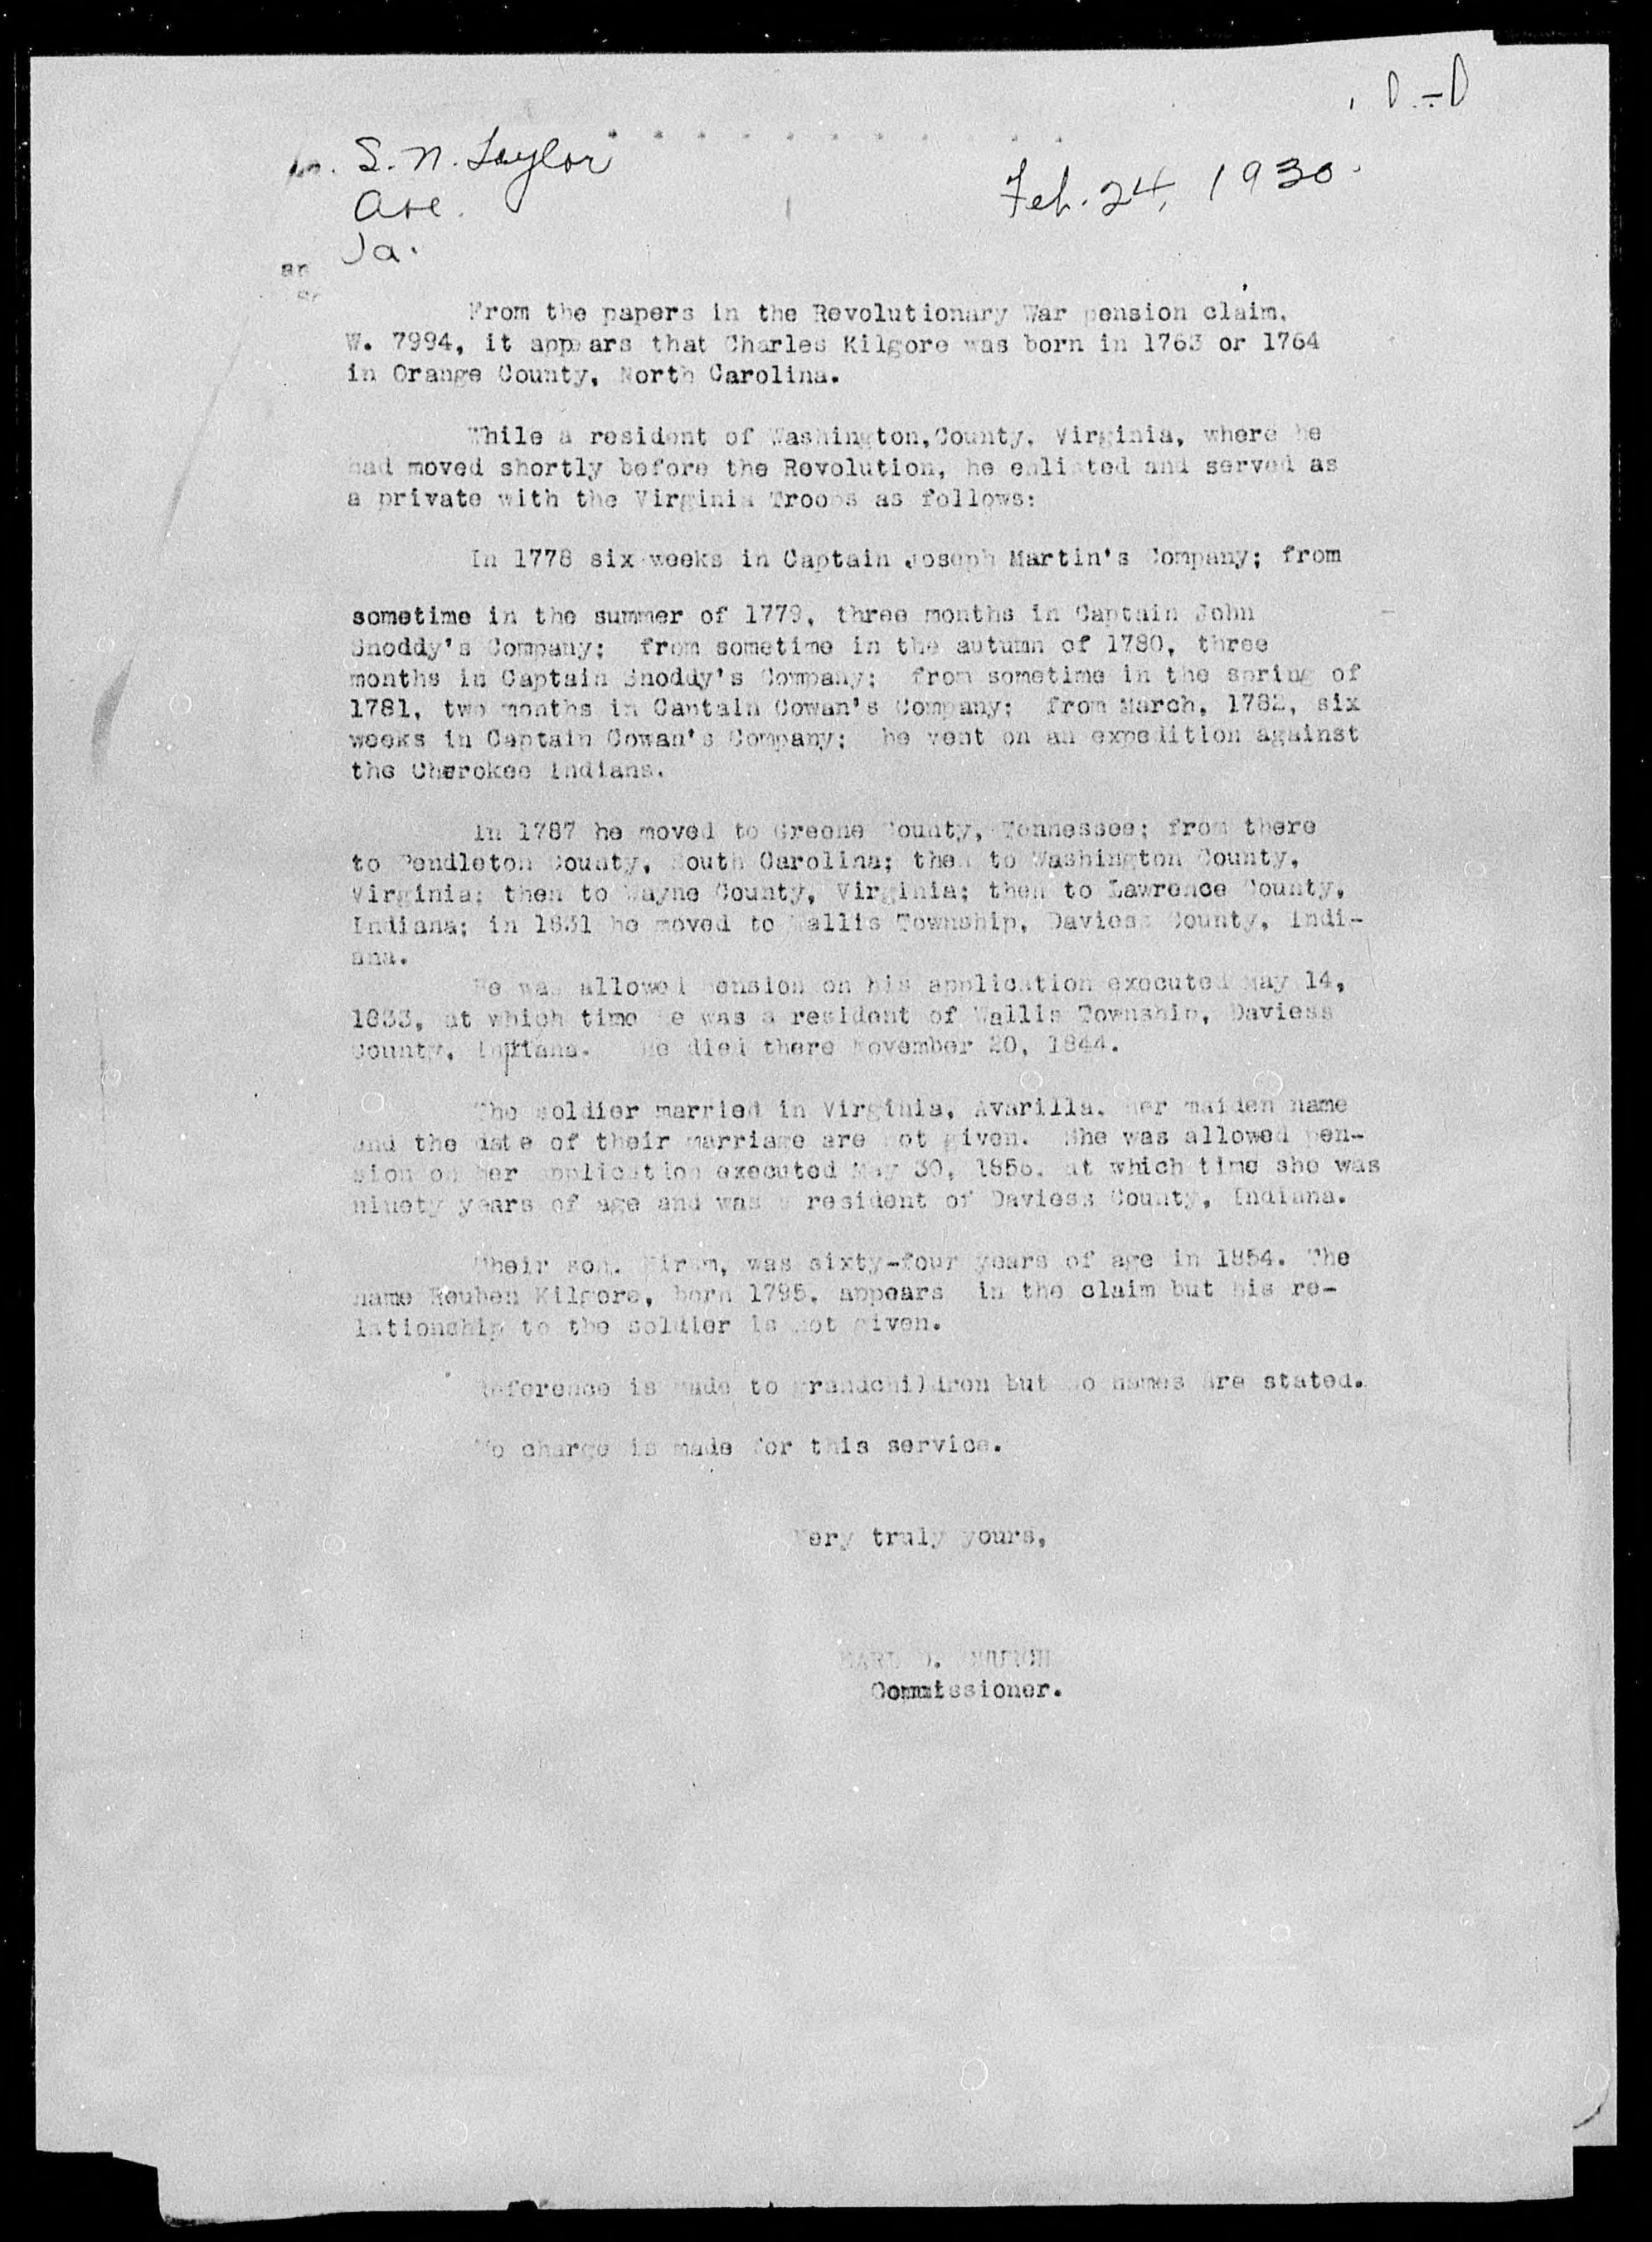S.N. Taylor
Atl.
Ja.

Feb. 24, 1930

From the papers in the Revolutionary War pension claim, W. 7994, it appears that Charles Kilgore was born in 1763 or 1764 in Orange County, North Carolina.
While a resident of Washington,County, Virginia, where he had moved shortly before the Revolution, he enlisted and served as a private with the Virginia Troops as follows:
In 1778 six weeks in Captain Joseph Martin's Company; from sometime in the summer of 1779, three months in Captain John Snoddy's Company; from sometime in the autumn of 1780, three months in Captain Snoddy's Company: from sometime in the spring of 1781, two months in Captain Cowan's Company; from March, 1782, six weeks in Captain Cowan's Company; he went on an expedition against the Cherokee Indians.
In 1787 he moved to Greene County, Tennessee; from there to Pendleton County, South Carolina; then to Washington County, Virginia; then to Wayne County, Virginia; then to Lawrence County, Indiana in 1831 he moved to Wallis Township, Daviess County, Indiana.
He was allowed pension on his application executed May 14, 1833, at which time he was a resident of Wallis Township, Daviess County, Indiana. he died there November 20, 1844.
The soldier married in Virginia, Avarilla, her maiden name and the date of their marriage are not given. She was allowed pension on her application executed May 30, 1856, at which time she was ninety years of age and was resident of Daviess County, Indiana.
Their son, Hiram, was sixty-four years of age in 1854. The name Reuben Kilgore, born 1795, appears in the Reclaim but his relationship to the soldier is not given.
ference is made to Grandchildren but no names are stated.
No charge is made for this service.
Very truly yours,
EARL D. CHURCH
Commissioner.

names: Charles Kilgore; Hiram [BLANK]; S N Taylor; Earl D Church; Avarilla [BLANK]; Reuben Kilgore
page: 101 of 115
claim: survivor's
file: S. 699, for Charles Kilgore, Virginia